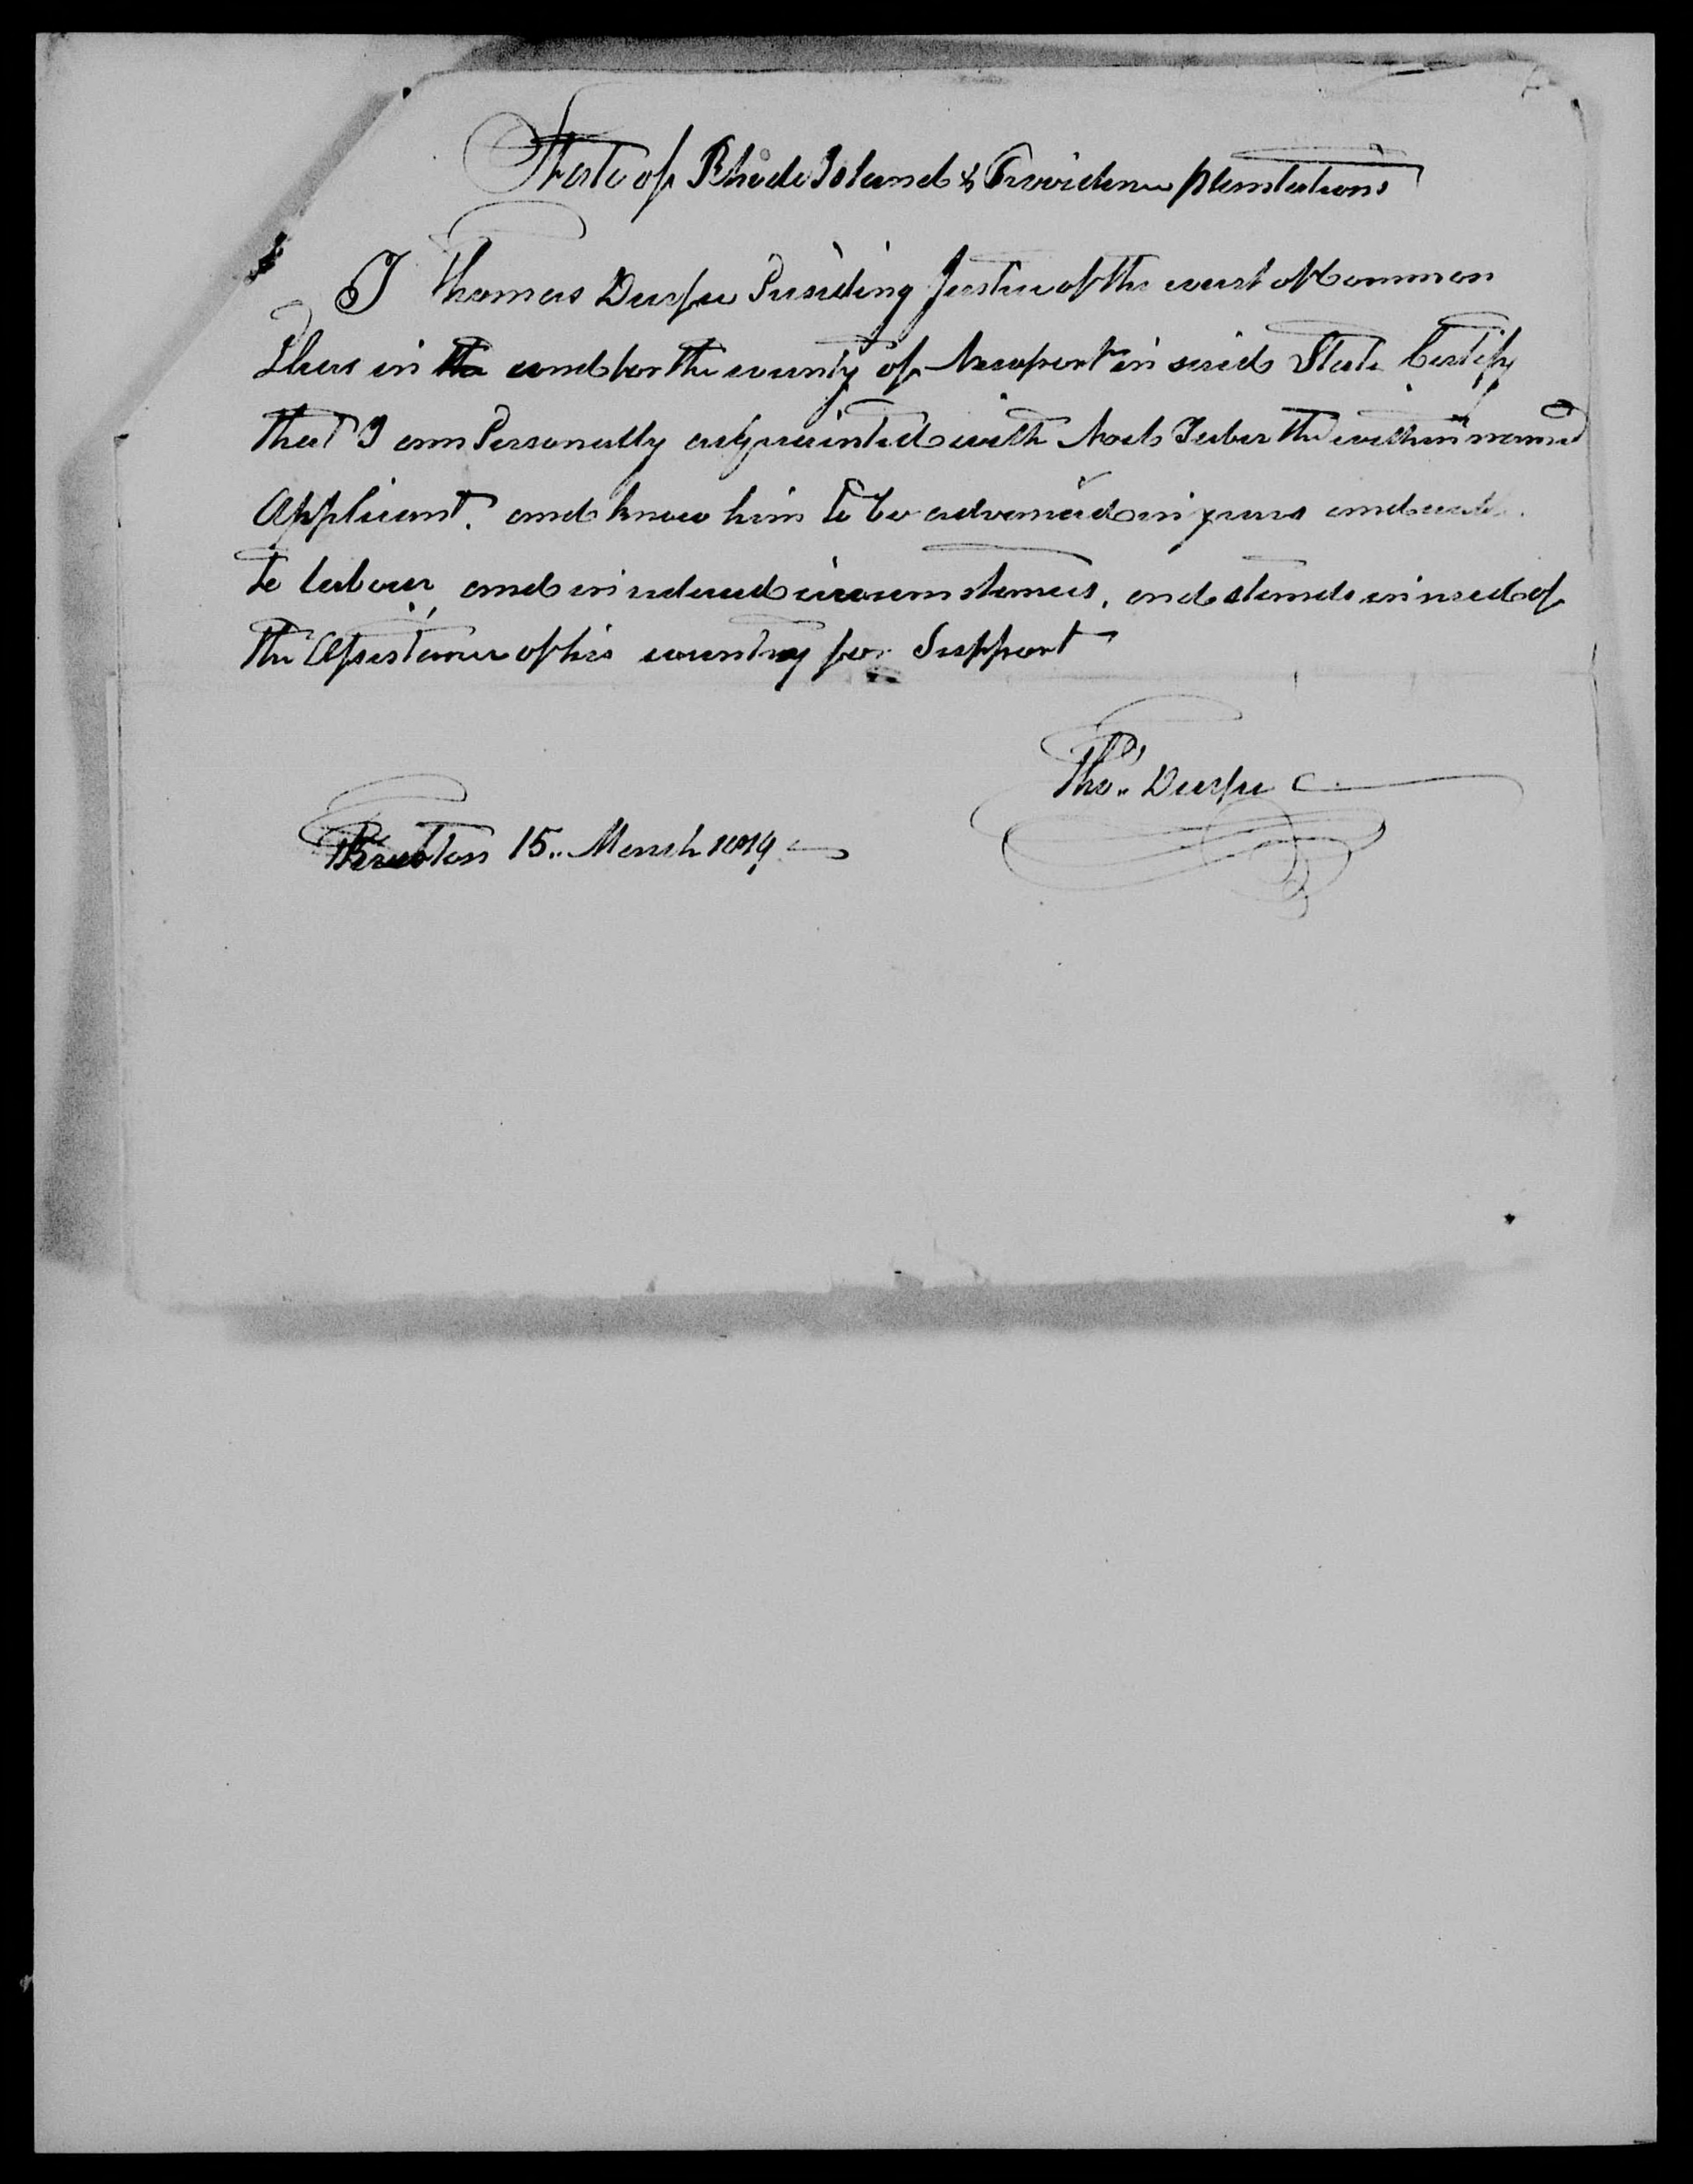State of Rhode Island of Providence Plantations
I Thomas [illegible] Persiding Justice of the [illegible] [illegible]
There in the [illegible] the [illegible] of Newport in  said State Certify
that I am personally acquainted with Noel Taber the [illegible] [illegible]
applicant unto know him to be [illegible] [illegible] [illegible]
to [illegible] [illegible] and in [illegible] [illegible] understands interests of
the of questions of his wanting for support
Tho Durfee
[illegible] 15 March [illegible]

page: 4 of 22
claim: survivor's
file: S 33777, for Noel Taber, Rhode Island